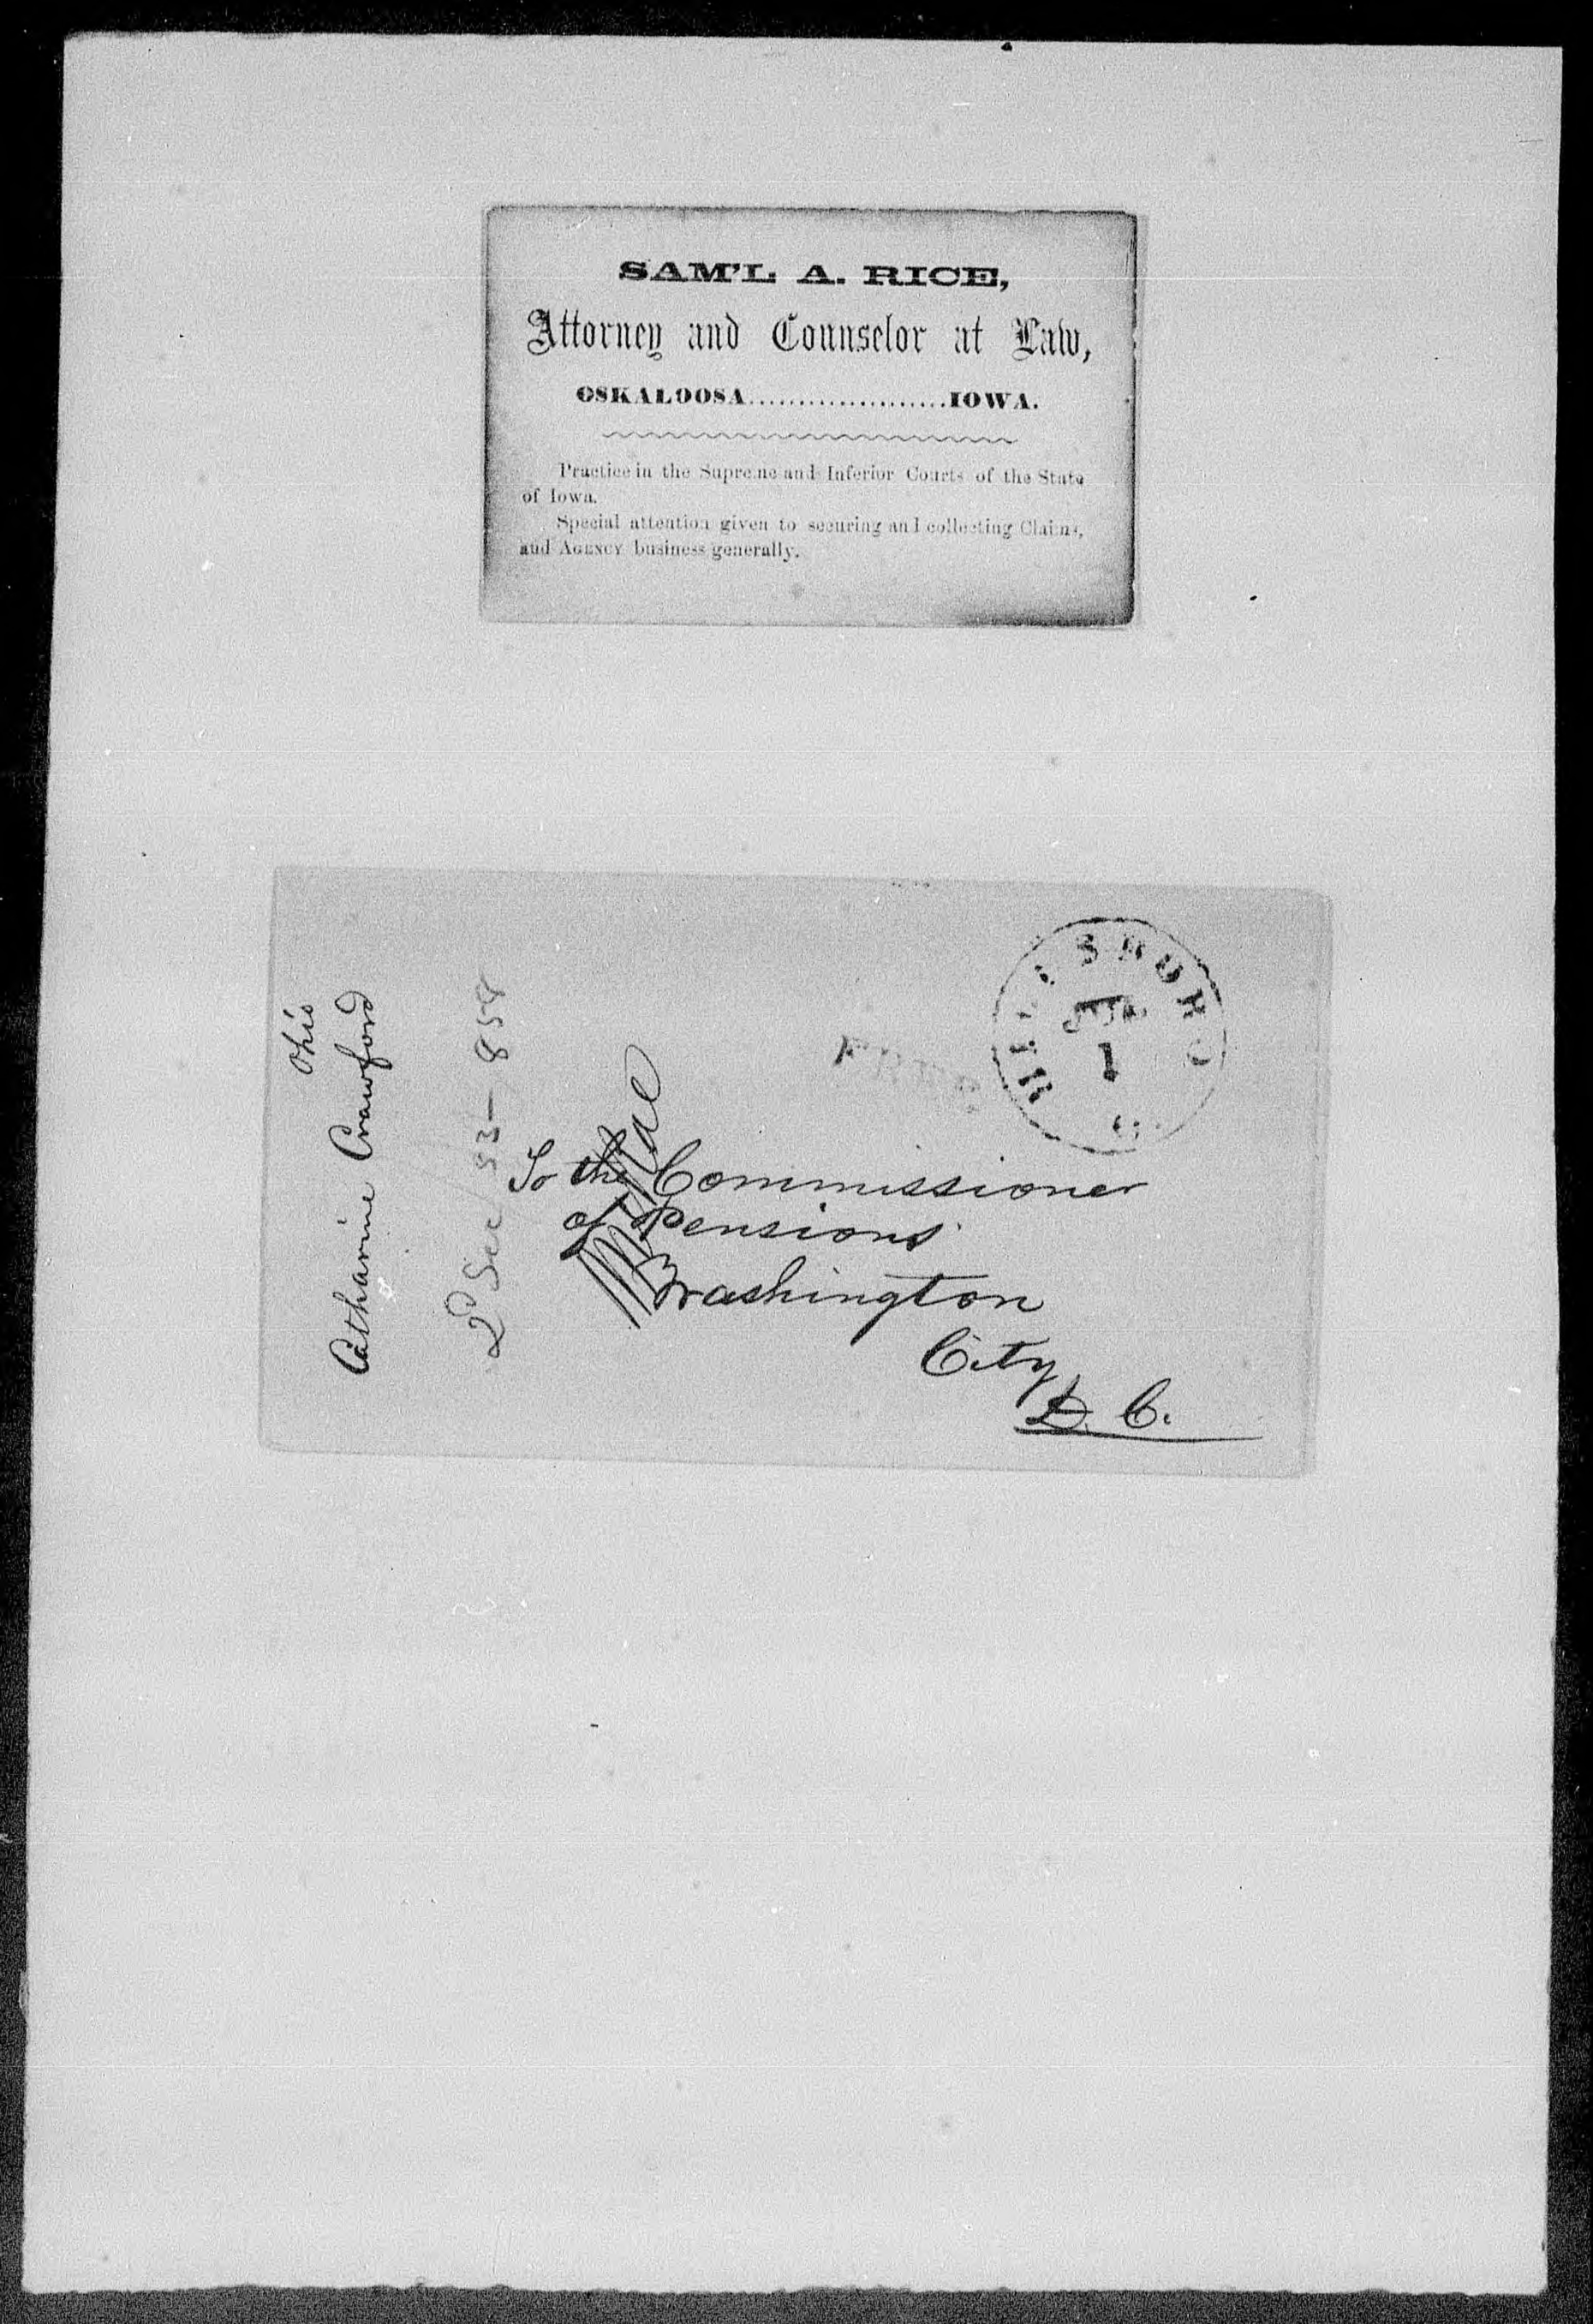[business card]
SAM'L A RICE
Attorney and Counselor at Law,
OSKALOOSA. IOWA.
Practice in the Supreme and inferior Court of the State of Iowa.
Special attention given to securing and collecting claims, and AGENCY business generally.


[envelope]
FREE
To the Commissioner of Pensions
Washington City D.C.

[postmark]
HILLSBORO OH
JUN 1

[sideways]
Ohio
Catharine Crawford
2 SEC 53-858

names: Saml A Rice, Catharine Crawford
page: 60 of 80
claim: widow's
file: W 2070, John Crawford, Penn.